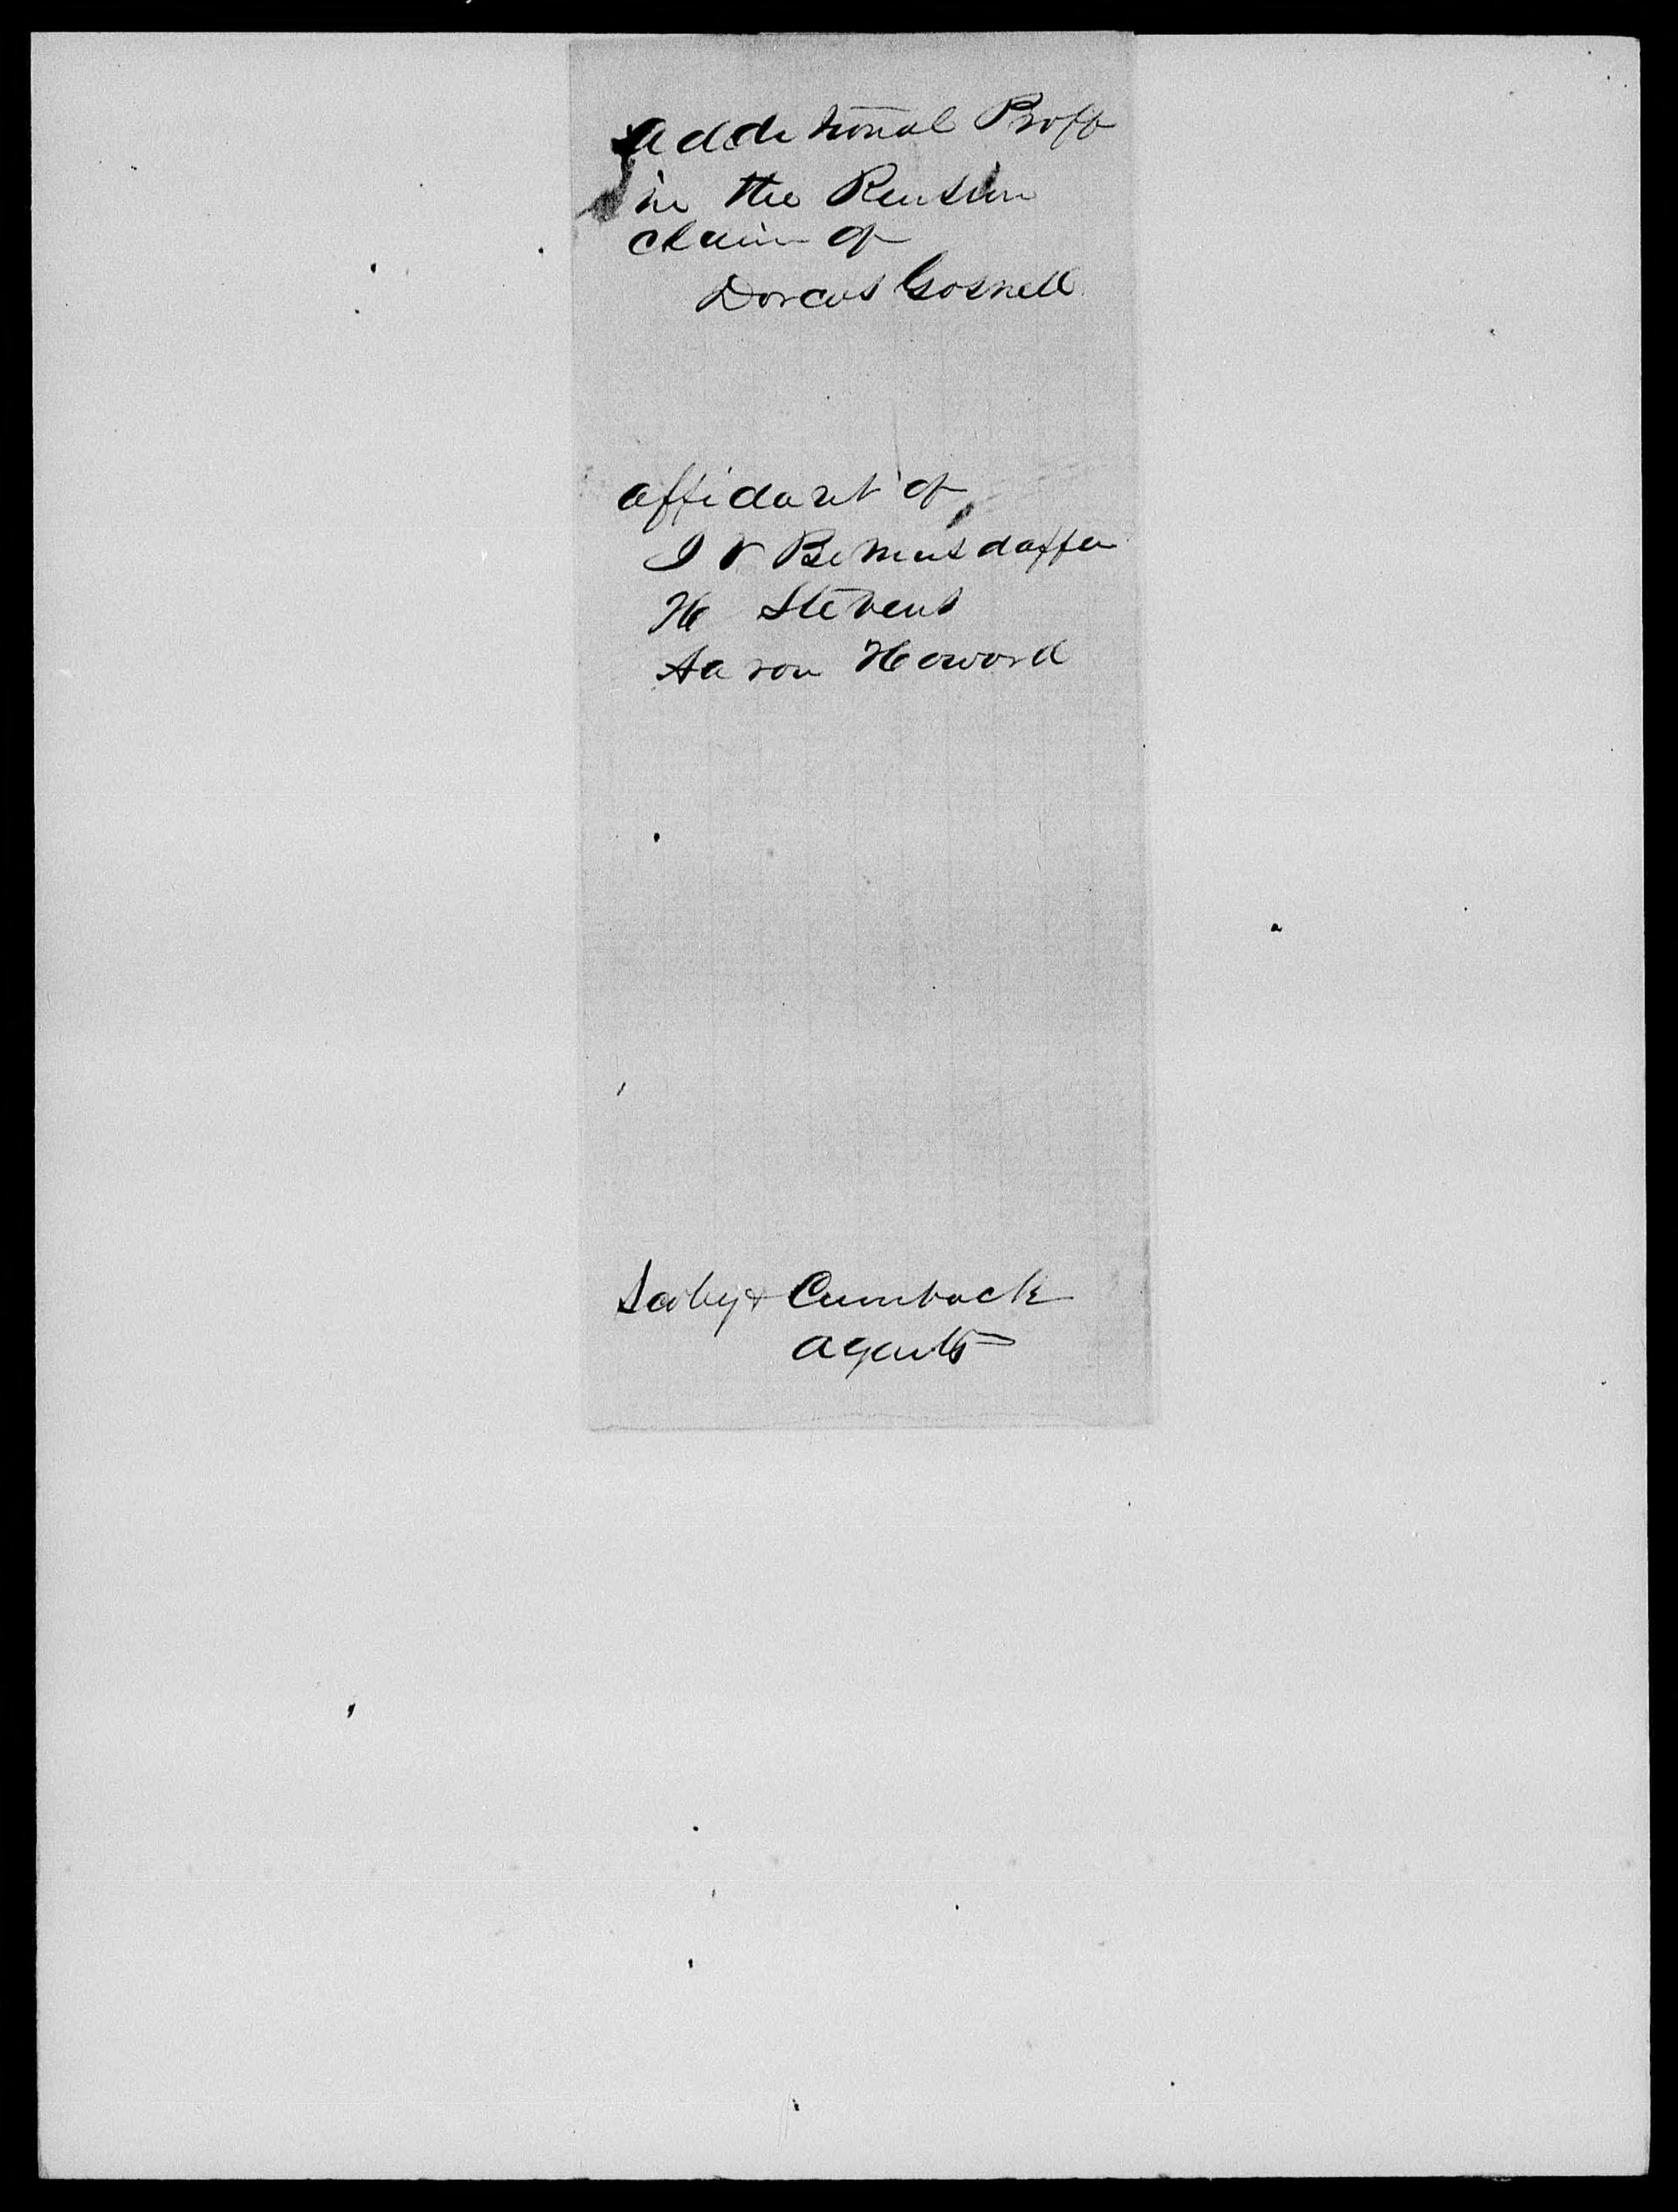Additional Proff [proof or proffer] in the Pension claim of Dorcas Gosnell

affidavit of J V Bemusdoffer
H Stevens
Aaron Howard

Scobey & Cumback
agents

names: H Stevens, Scoby, J V Bemusdoffer, Aaron Howard, Cumback, Dorcas Gosnell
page: 36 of 39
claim: widow's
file: W. 11060, Benjamin Gosnell, Va.